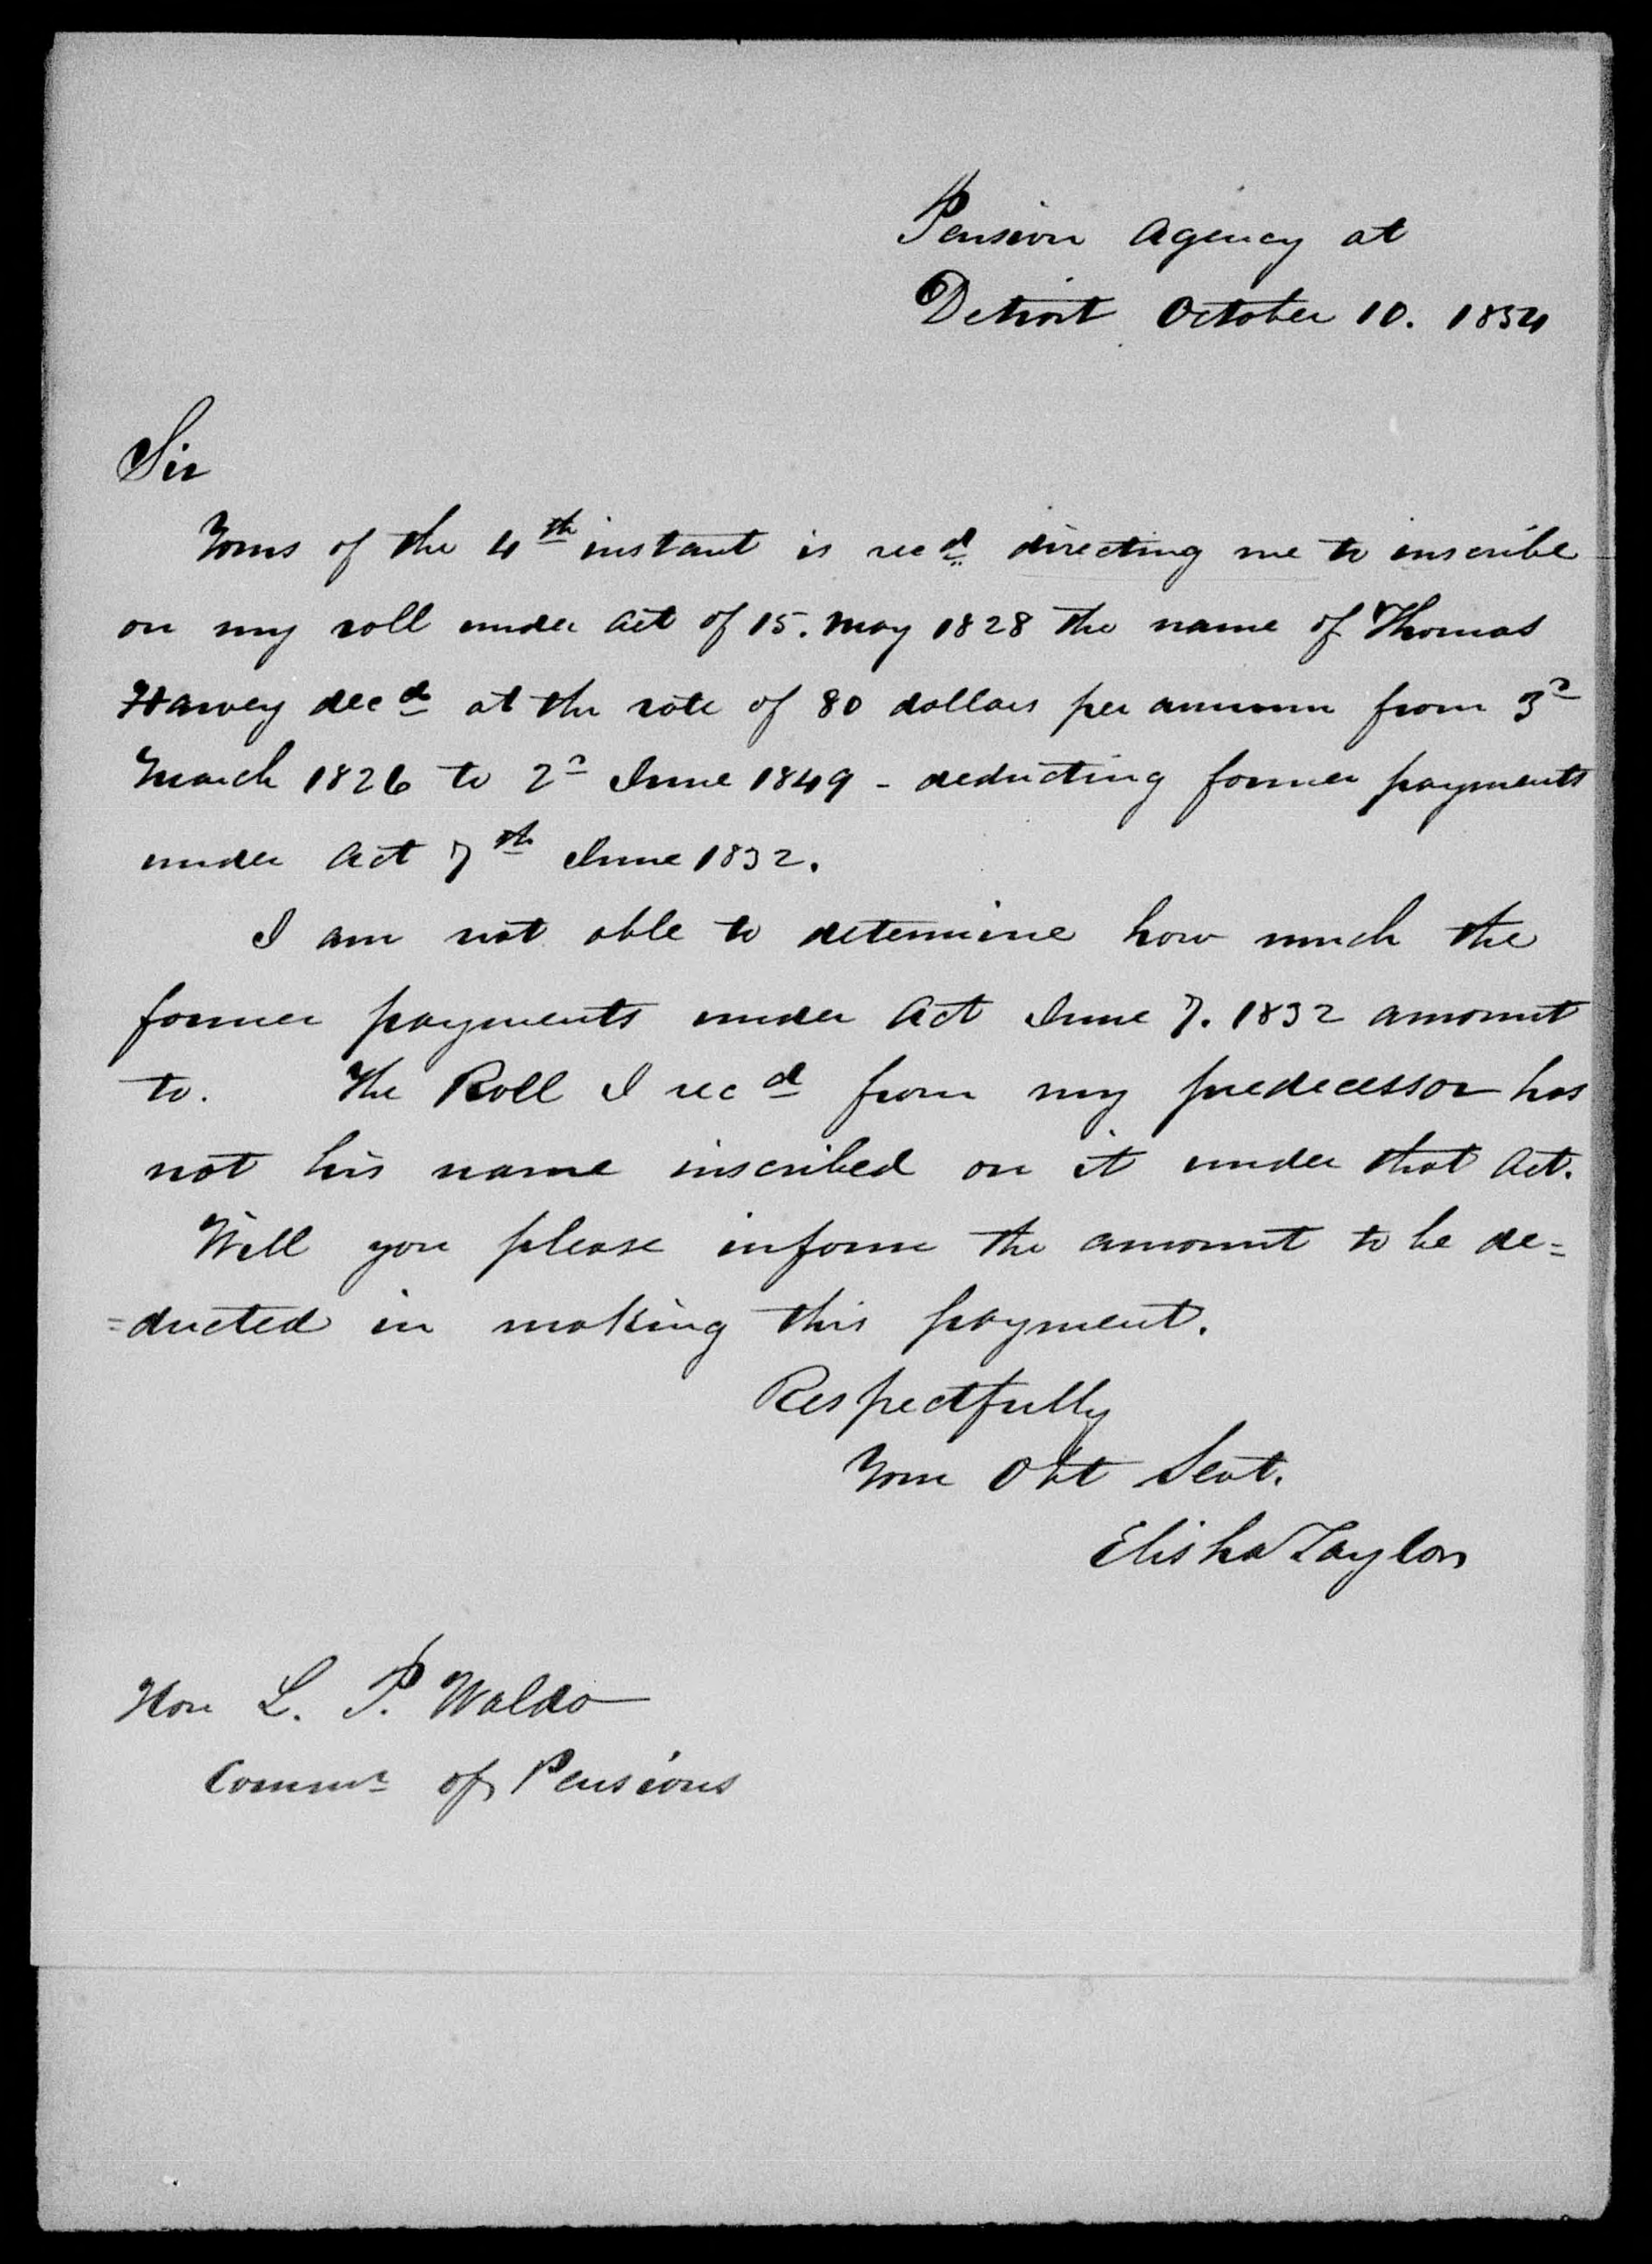[handwritten letter]
Pension Agency at Detroit October 10 1854

Sir
Yours of the 4th instant is rec'd directing me to inscribe on my roll under Act of 15. May 1828 the name of Thomas Harvey dec'd at the rate of 80 dollars per annum from 3d March 1826 to 2d June 1849 - deducting former payments under Act 7th June 1832
I am not able to determine how much the former payments under Act June 7, 1832 amount to. The Roll I rec'd from my predecessor has not his name inscribed on it under that Act. 
Will you please inform the amount to be deducted in making the payment. 
Respectfully Your Obt Servt.
/s/Elisha Taylor
Hon. L. P. Waldo
Comm'r of Pensions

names: Thomas Harvey, Elisha Taylor, L P Waldo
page: 32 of 80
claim: survivor's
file: S. 18008, Thomas Harvey, N.H.